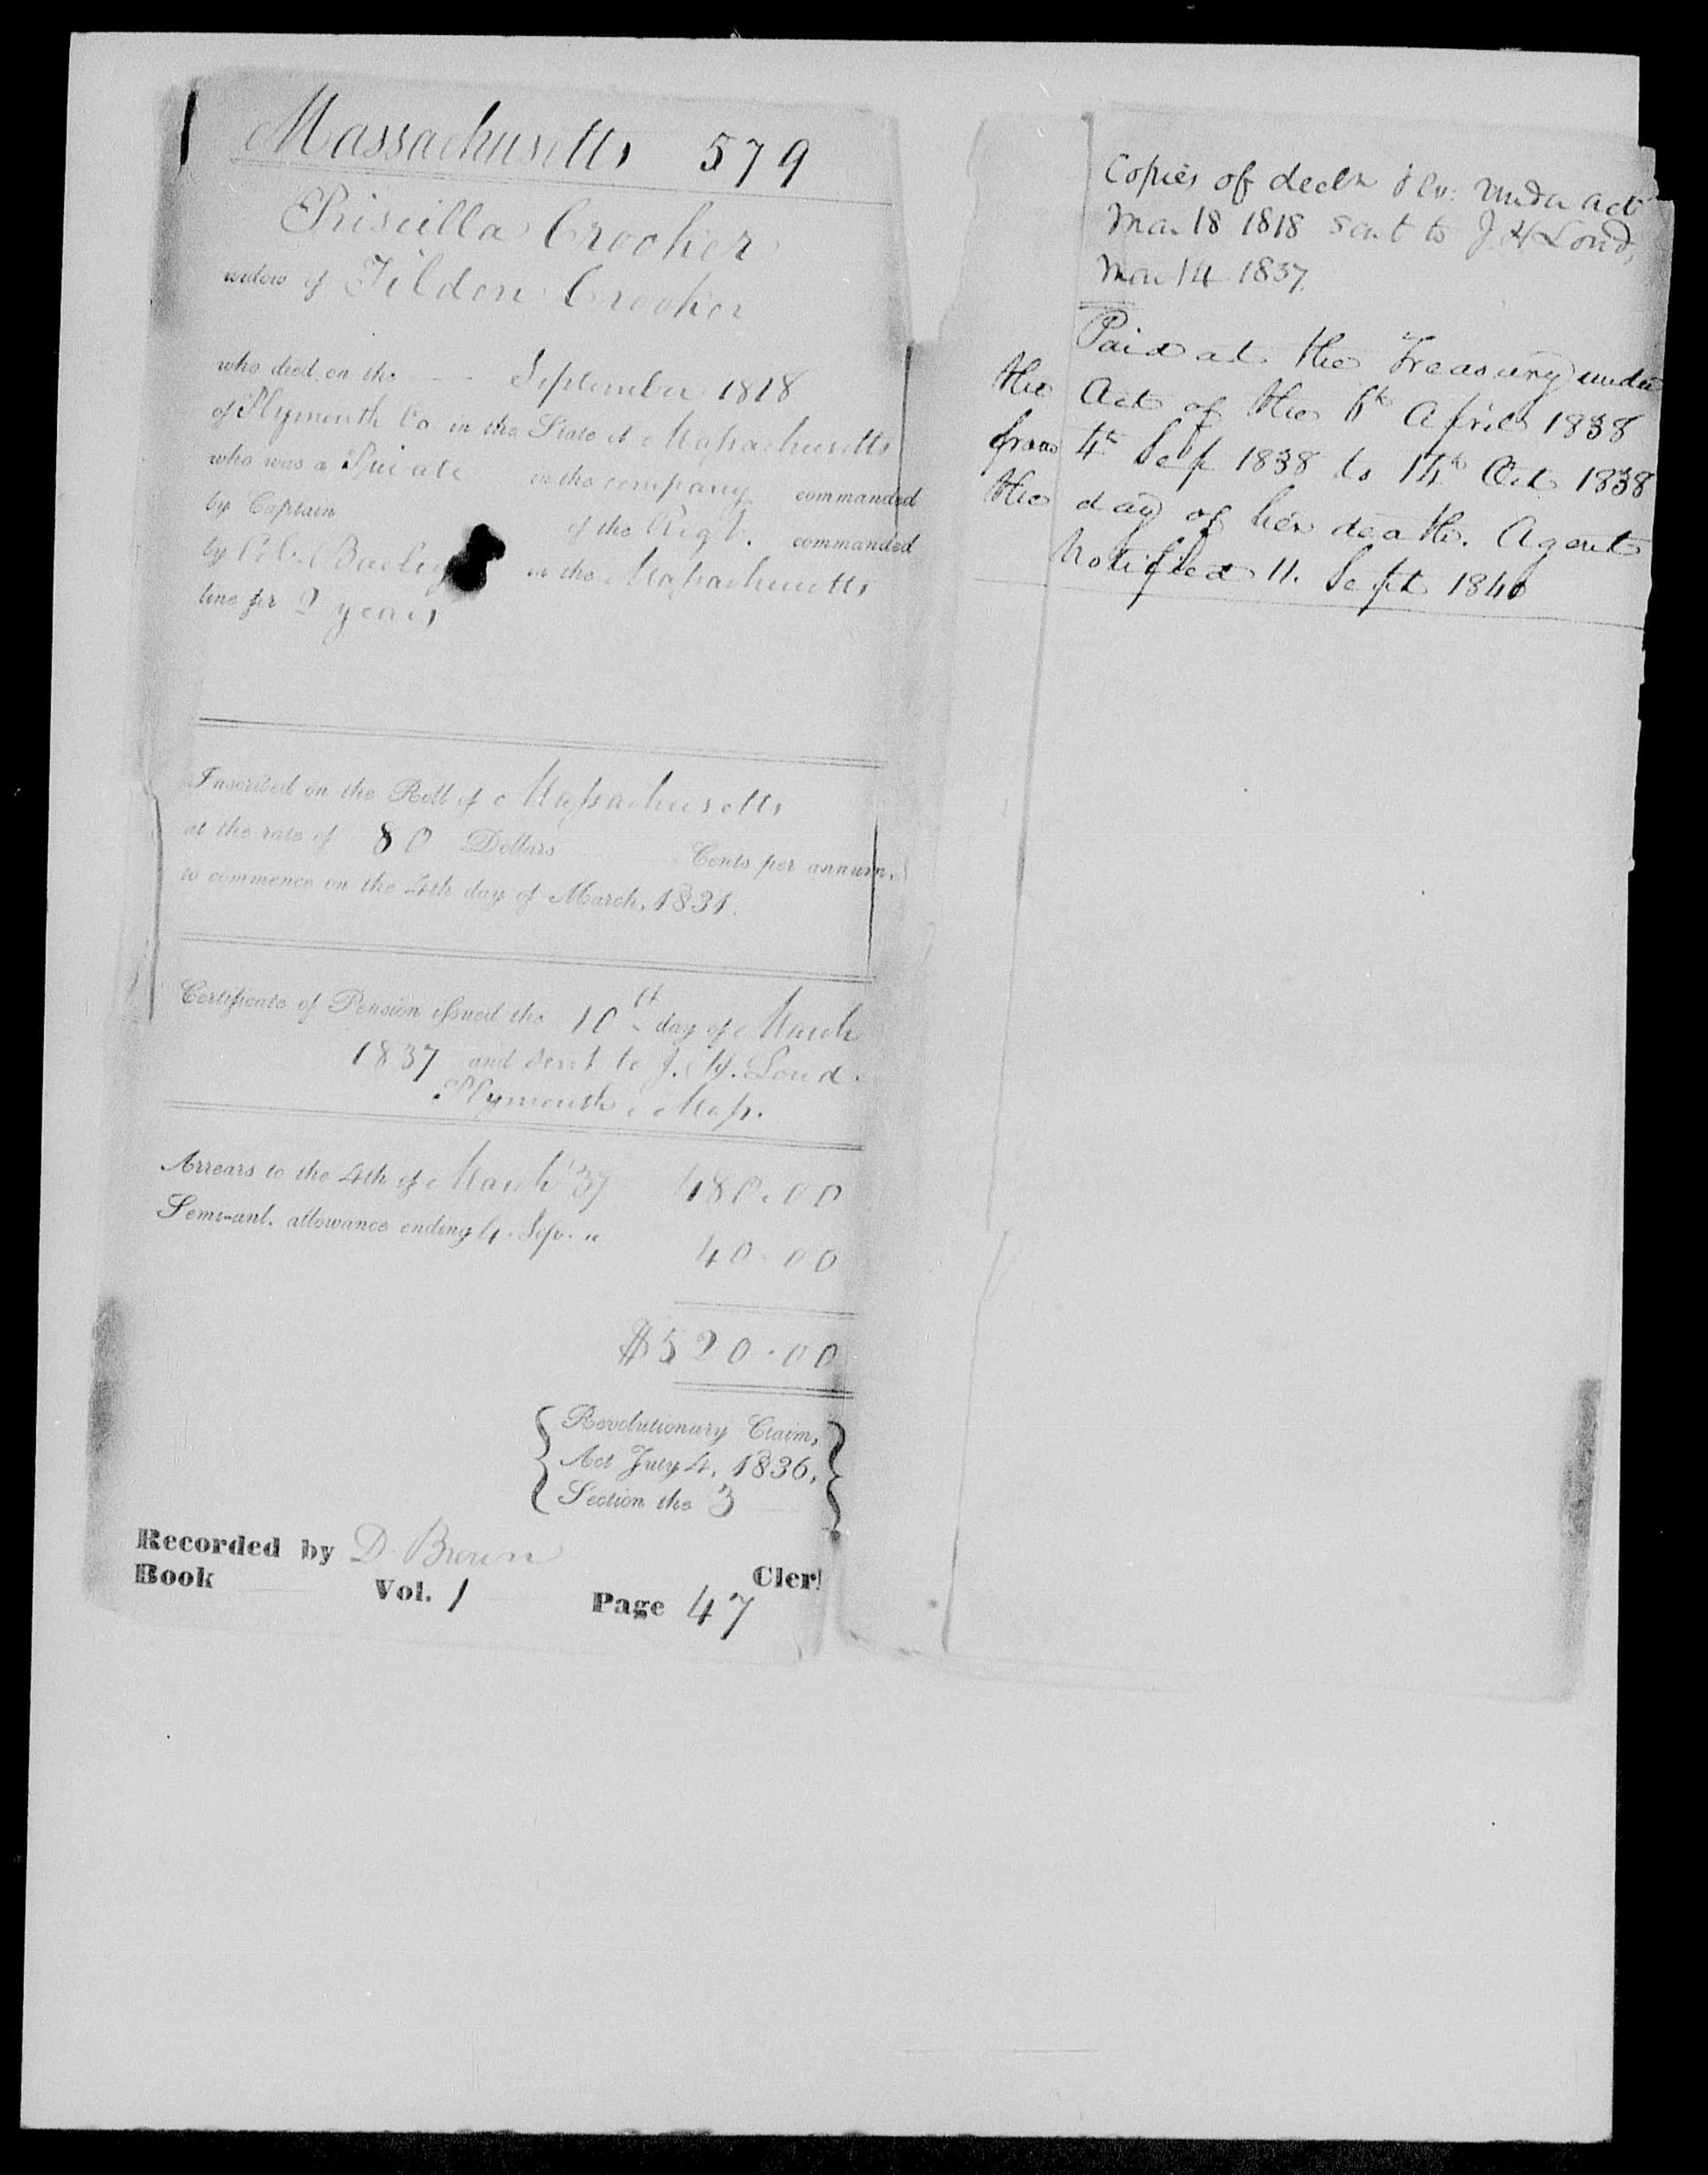Massachusetts 579

Priscilla Crooker

widow of Tilden Crooker

who died on the September 1818
of Plymouth Co. in the State of Massachusetts
who was a Private in the company commanded by Captain  of the Regt. commanded by Col. Bailey in the Massachusetts line for 2 years

Inscribed on the Roll of Massachusetts
at the rate of 80 Dollars Cents per annum
to commence on the 4th day of March 1831

Certificate of Pension issued the 10th dayf of March 1837 and sent to J.H. Loud
Plymouth, Mass.

Arrears to the 4th of March 1837   $480.00
Semi-anl, allowance ending 4 September   $40.00

$520.00

{Revolutionary Claim,}
{Act July 4, 1836,}
{Section the 3}

Recorded by D. Brown  Clerk
Book   Vol. 1  Page 47

Copies of Declaration Under Act Mar. 18, 1818 sent to J.H. Loud
March 14, 1857

Paid at the Treasury under the Act of the 6th April 1838
from 4th Sept. 1838 to 14th Oct. 1838
the day of her death 
Agent notified  11 Sept. 1840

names: Tilden Crooker, J H Loud, J H Loud, Bailey, Priscilla Crooker, D Brown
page: 6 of 33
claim: widow's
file: W. 22862, Tilden Crooker, Mass Navy